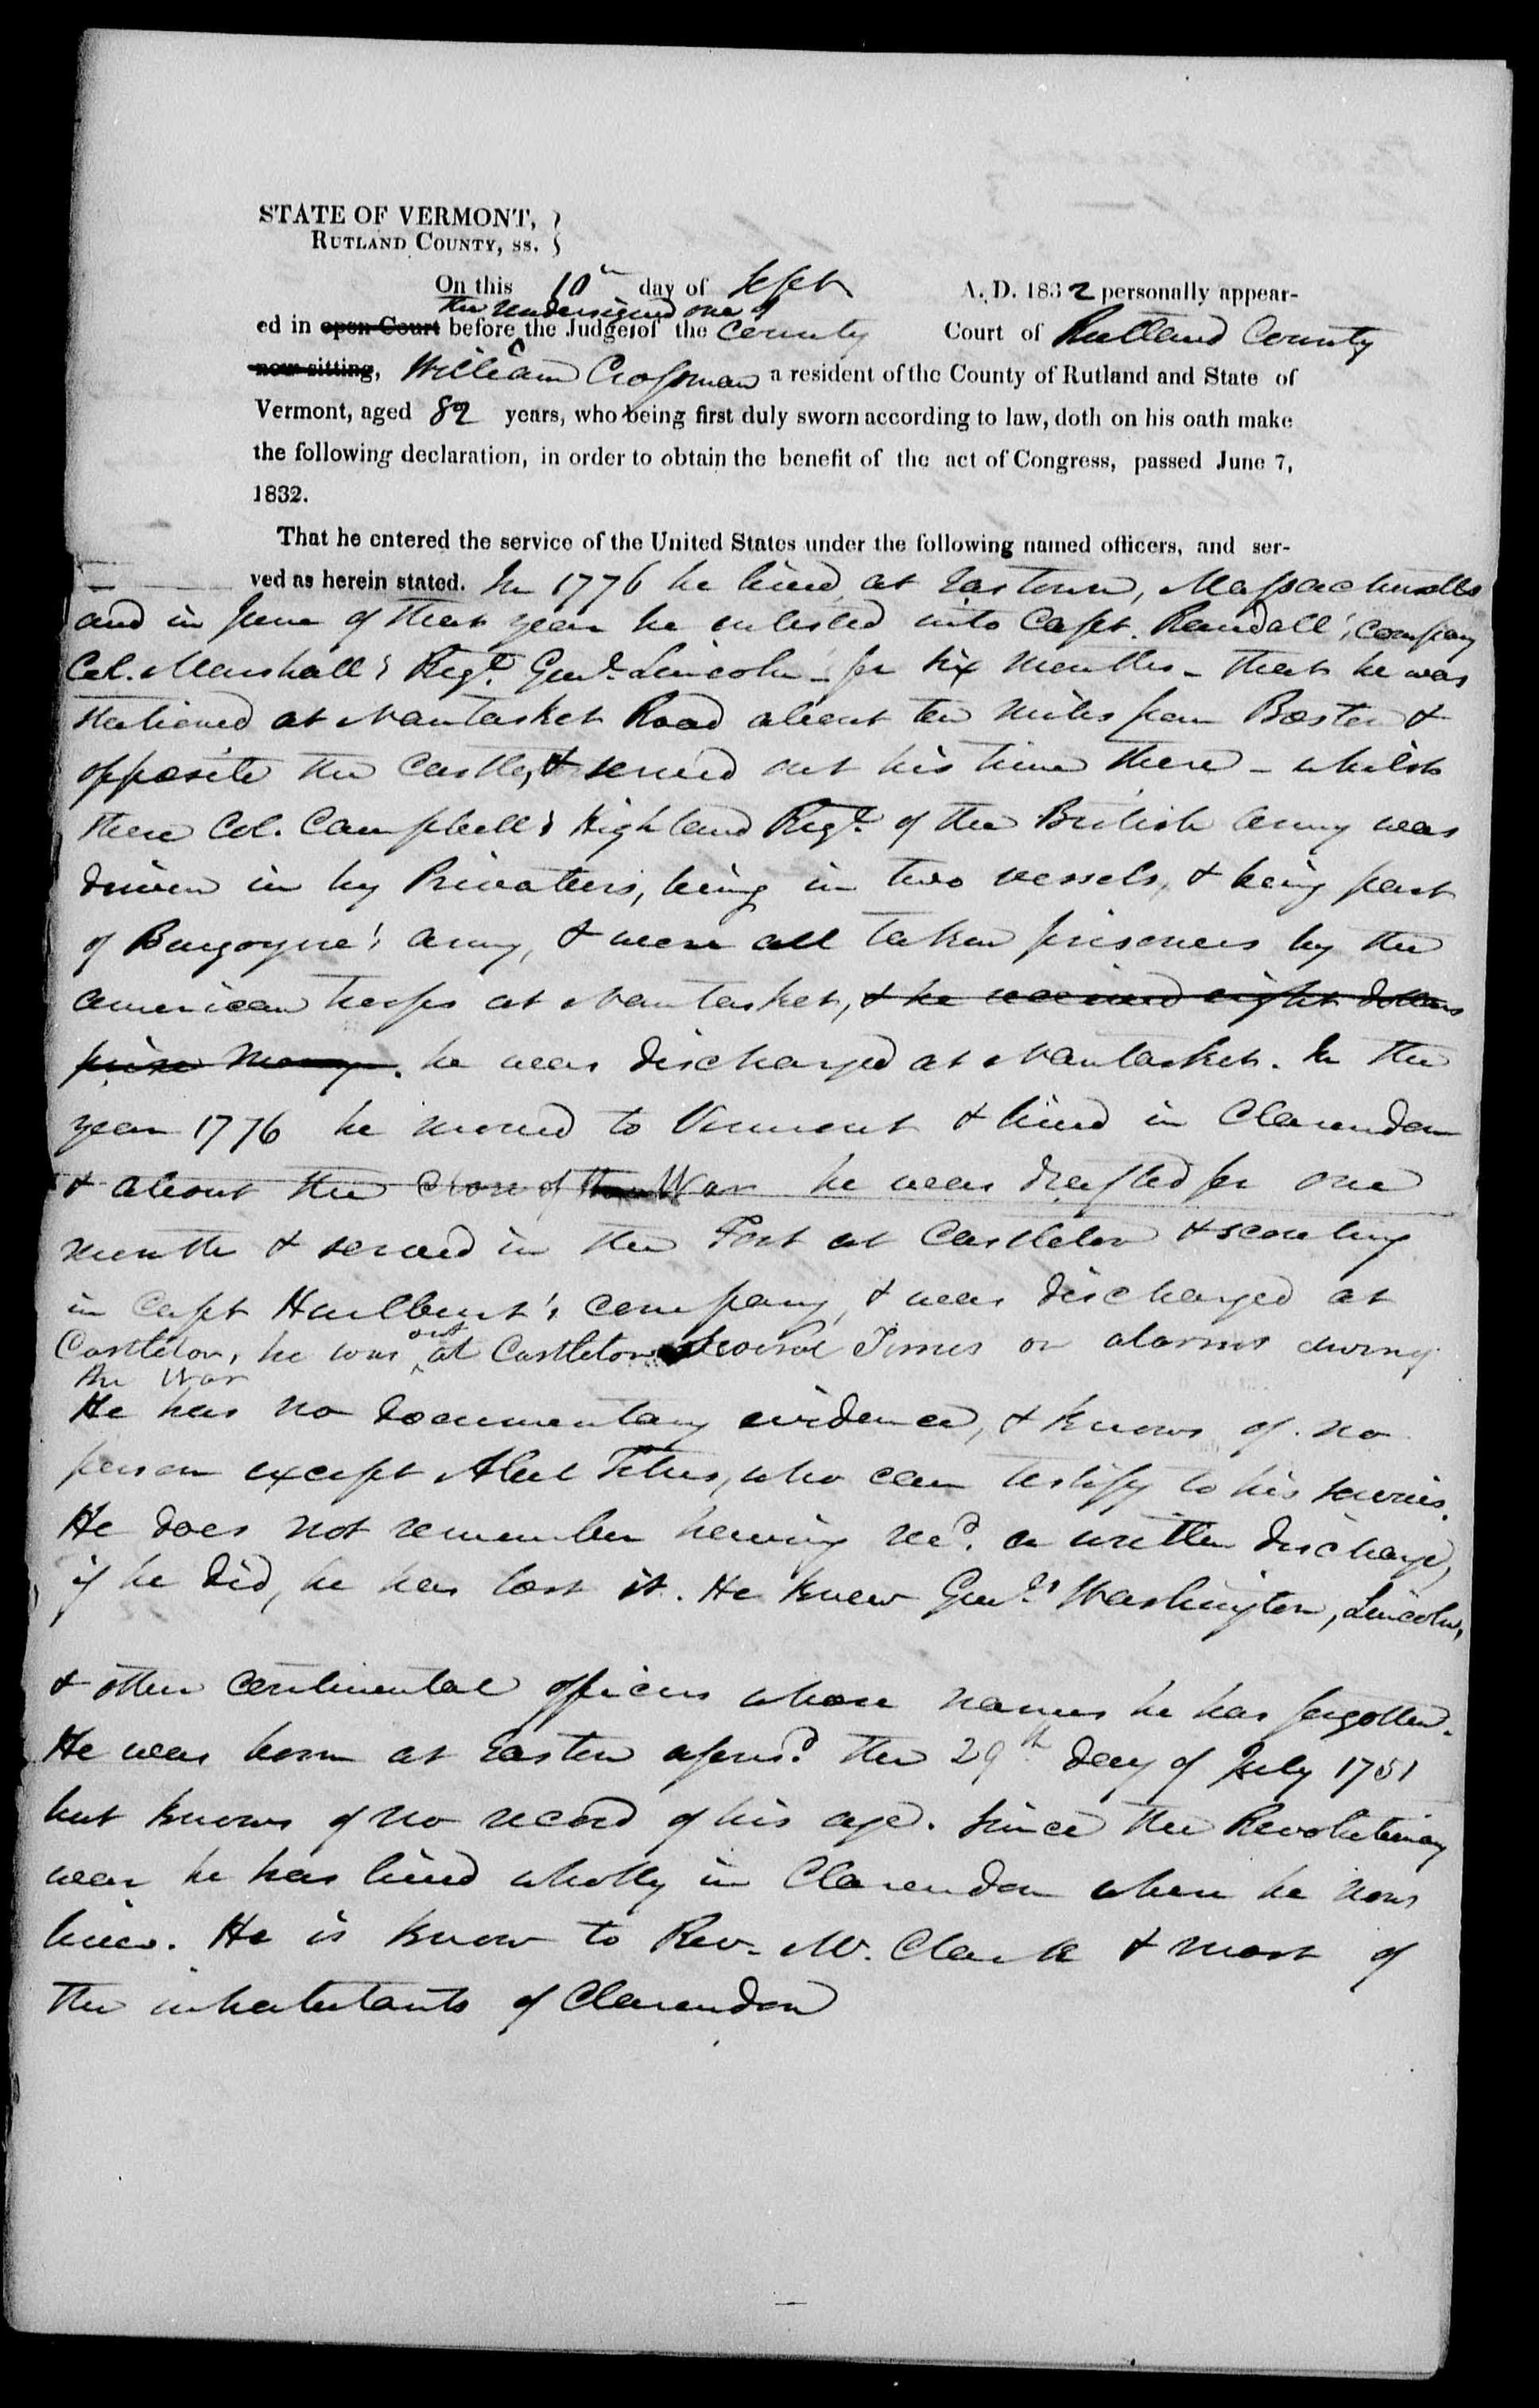State of Vermont,
Rutland County, ss.
On this 10th day of Sept A.D. 1832 personally appeared befor the undersigned one of the County Court of Rutland County, William Crossman, a resident of the County of Rutland and State of Vermont, aged 82 years, who being first duly sworn according to law, doth on his oath make the following declaration, in order to obtain the benefit of the act of Congress, passed June 7, 1832.
That he entered the service of the United States under the following named officers, and served as herein stated.  In 1776 he lived at Eastown, Massachusetts and in  June of that year he enlisted into Capt. Randall' company, Col. Marshall's Regt. Genl. Lincoln for six months - that he was stationed at Nantucket Road about ten miles from Boston & opposite the Castle, & served out his time there - whilst there Col. Campbell & Highland Regt. of the British Army was driven in by Privateers, being in two vessels & being part of Burgoynes Army,  & were all taken prisoners by the American troops at Nantucket & he received eight dollars prize money he was discharged at Nantucket.  In the year 1776 he moved to Vermont & lived in Clarendon & about the close of the war he was drafted for one month & served in New Port at Castleton & scouting in Capt. Hurlburt's company &  was discharged at Castleton, he was out at Castleton second times on alarms during the war.
He has no documentary evidence & knows of no person except Alec Teters, who can testify to his services.  He does not remember having recd. a written discharge, if he did, he has lost it.  He knew Genls. Washington, Lincoln, & other continental officers whose names he has forgotten.  He was born at Easton aforesd. the 29th day of July 1751 but knows of no record of his age.  Since the Revolutionary war he has lived wholly in Clarendon where he now lives.  He is know to Rev. W. Clark & most of the inhabitants of Clarendon.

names: Lincoln, Lincoln, Washington, William Crossman, Clark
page: 4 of 33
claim: survivor's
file: S. 12632, William Crossman, Mass. Vt.